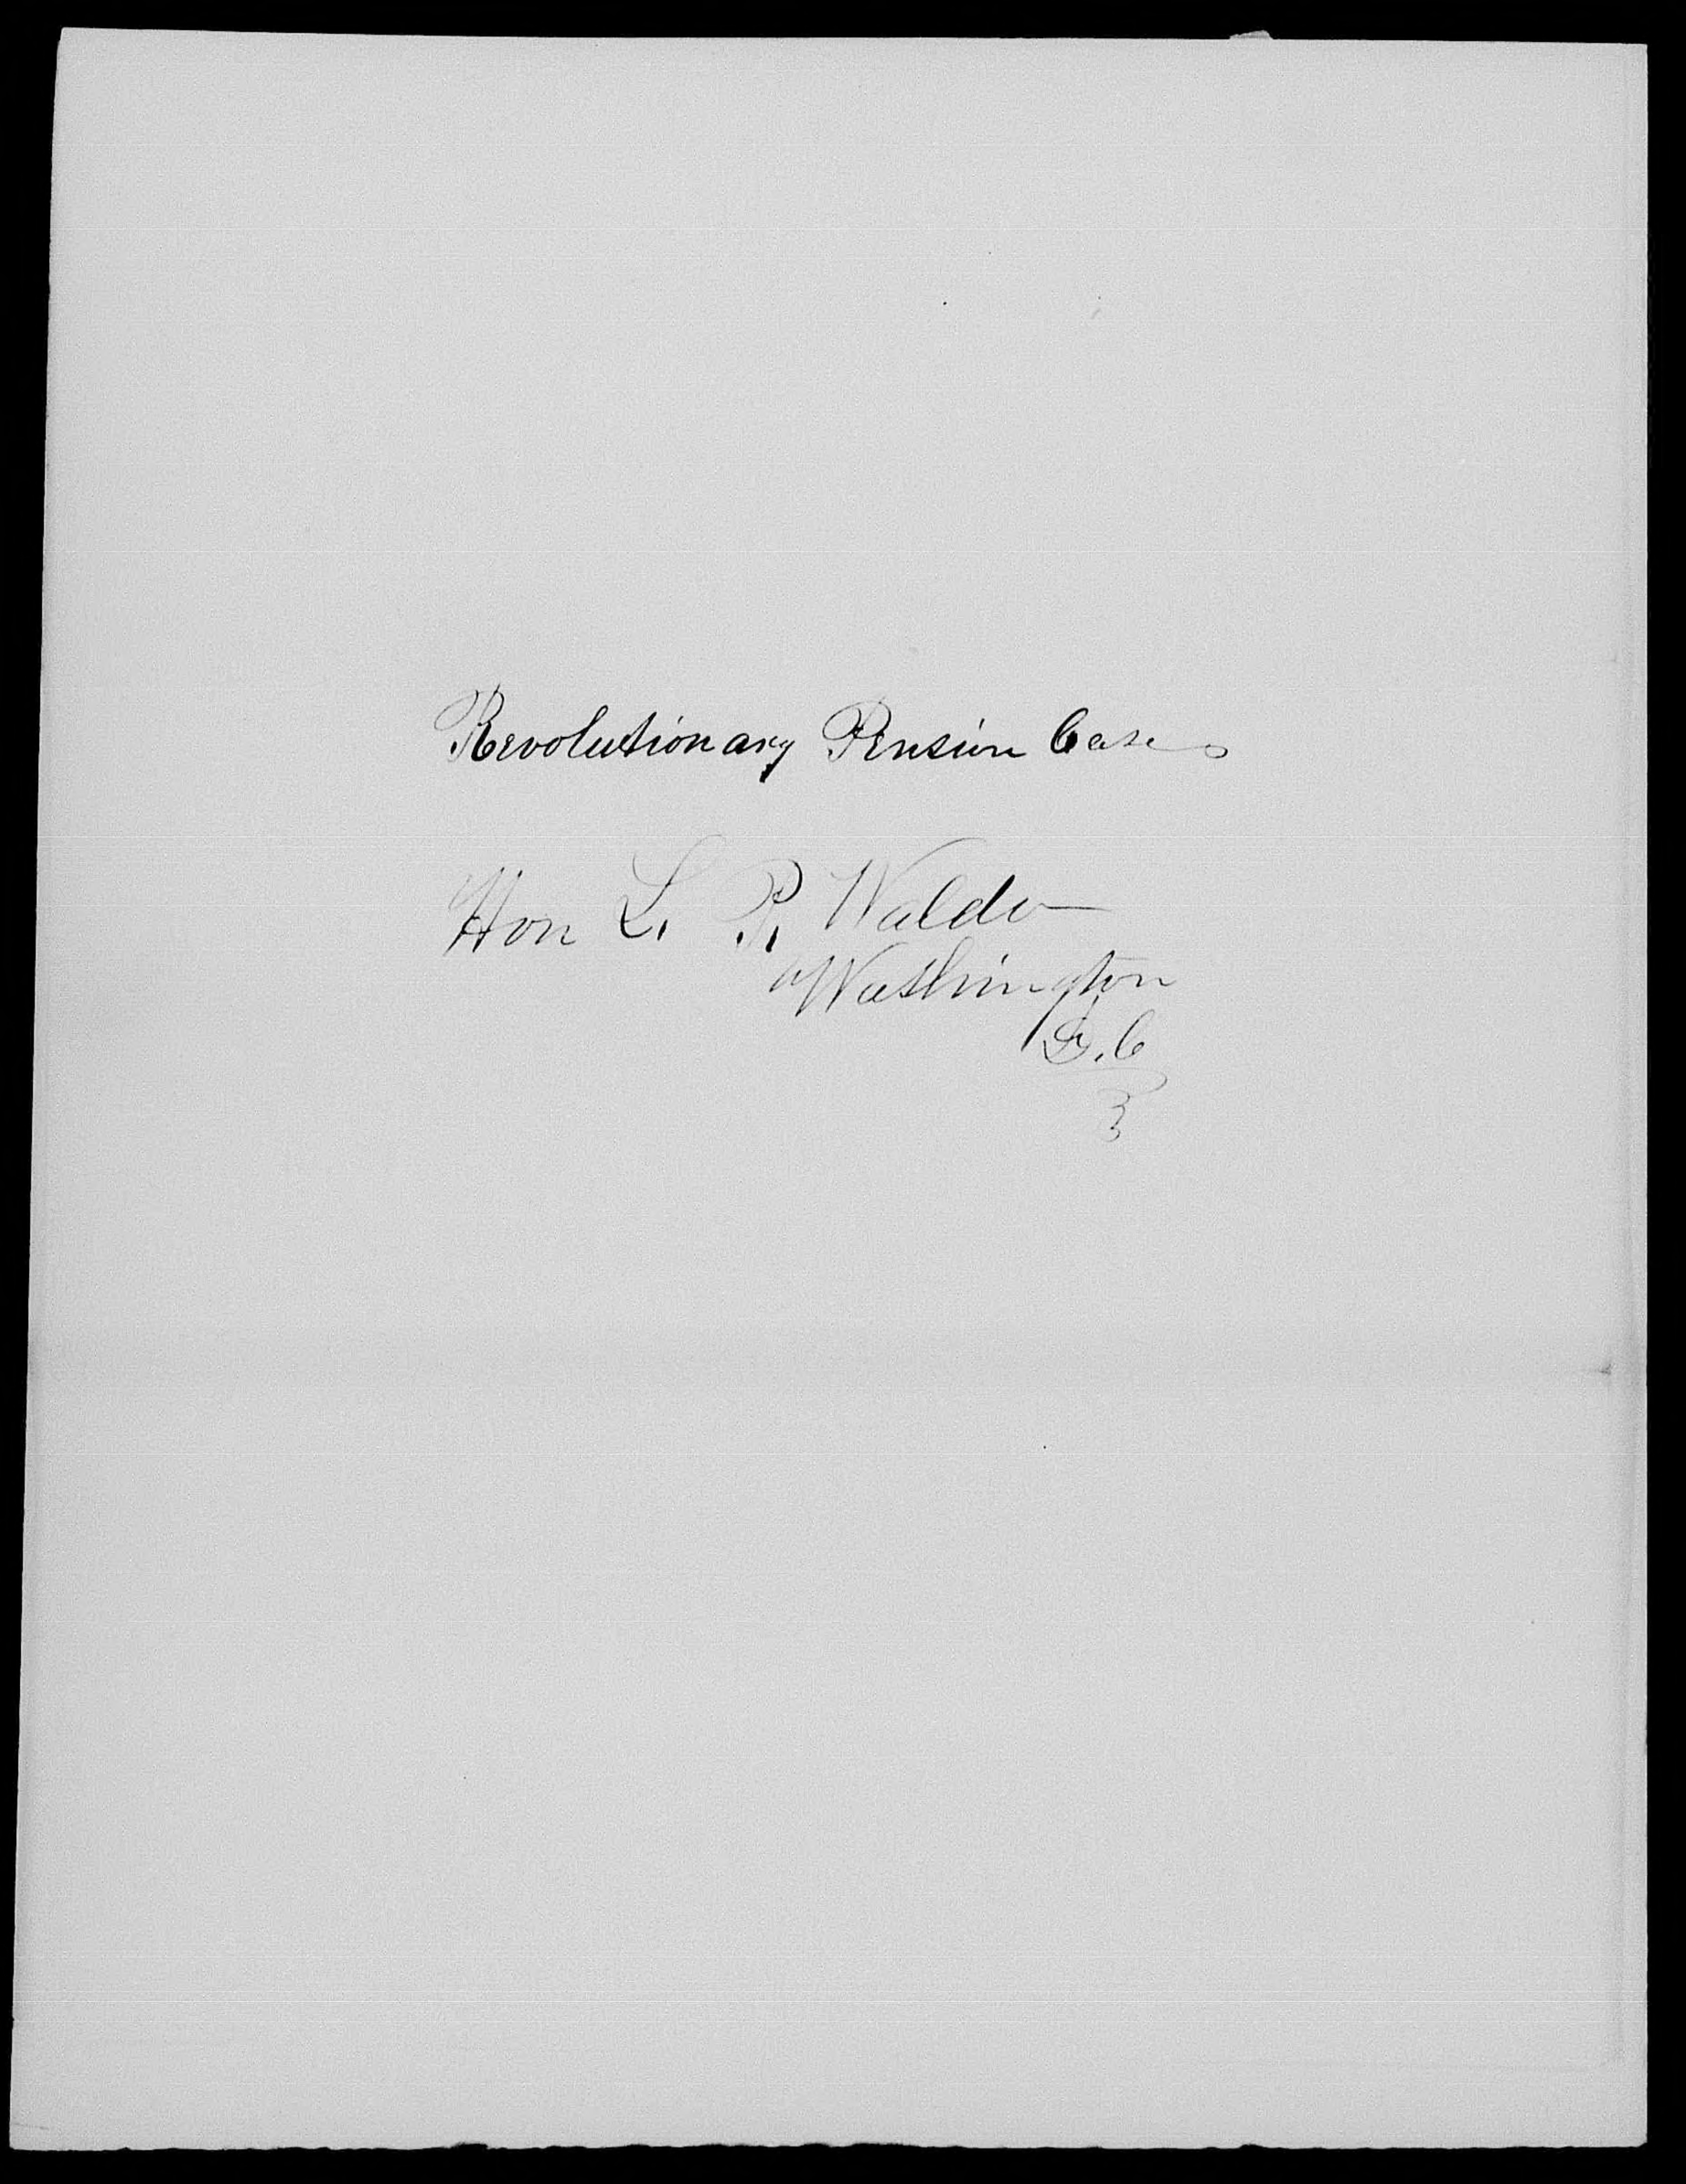Revolutionary Pension Case

Hon L. P. Waldo
Washington D.C.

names: L P Waldo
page: 51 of 74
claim: widow's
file: W. 9422, James Edgar, Penn.